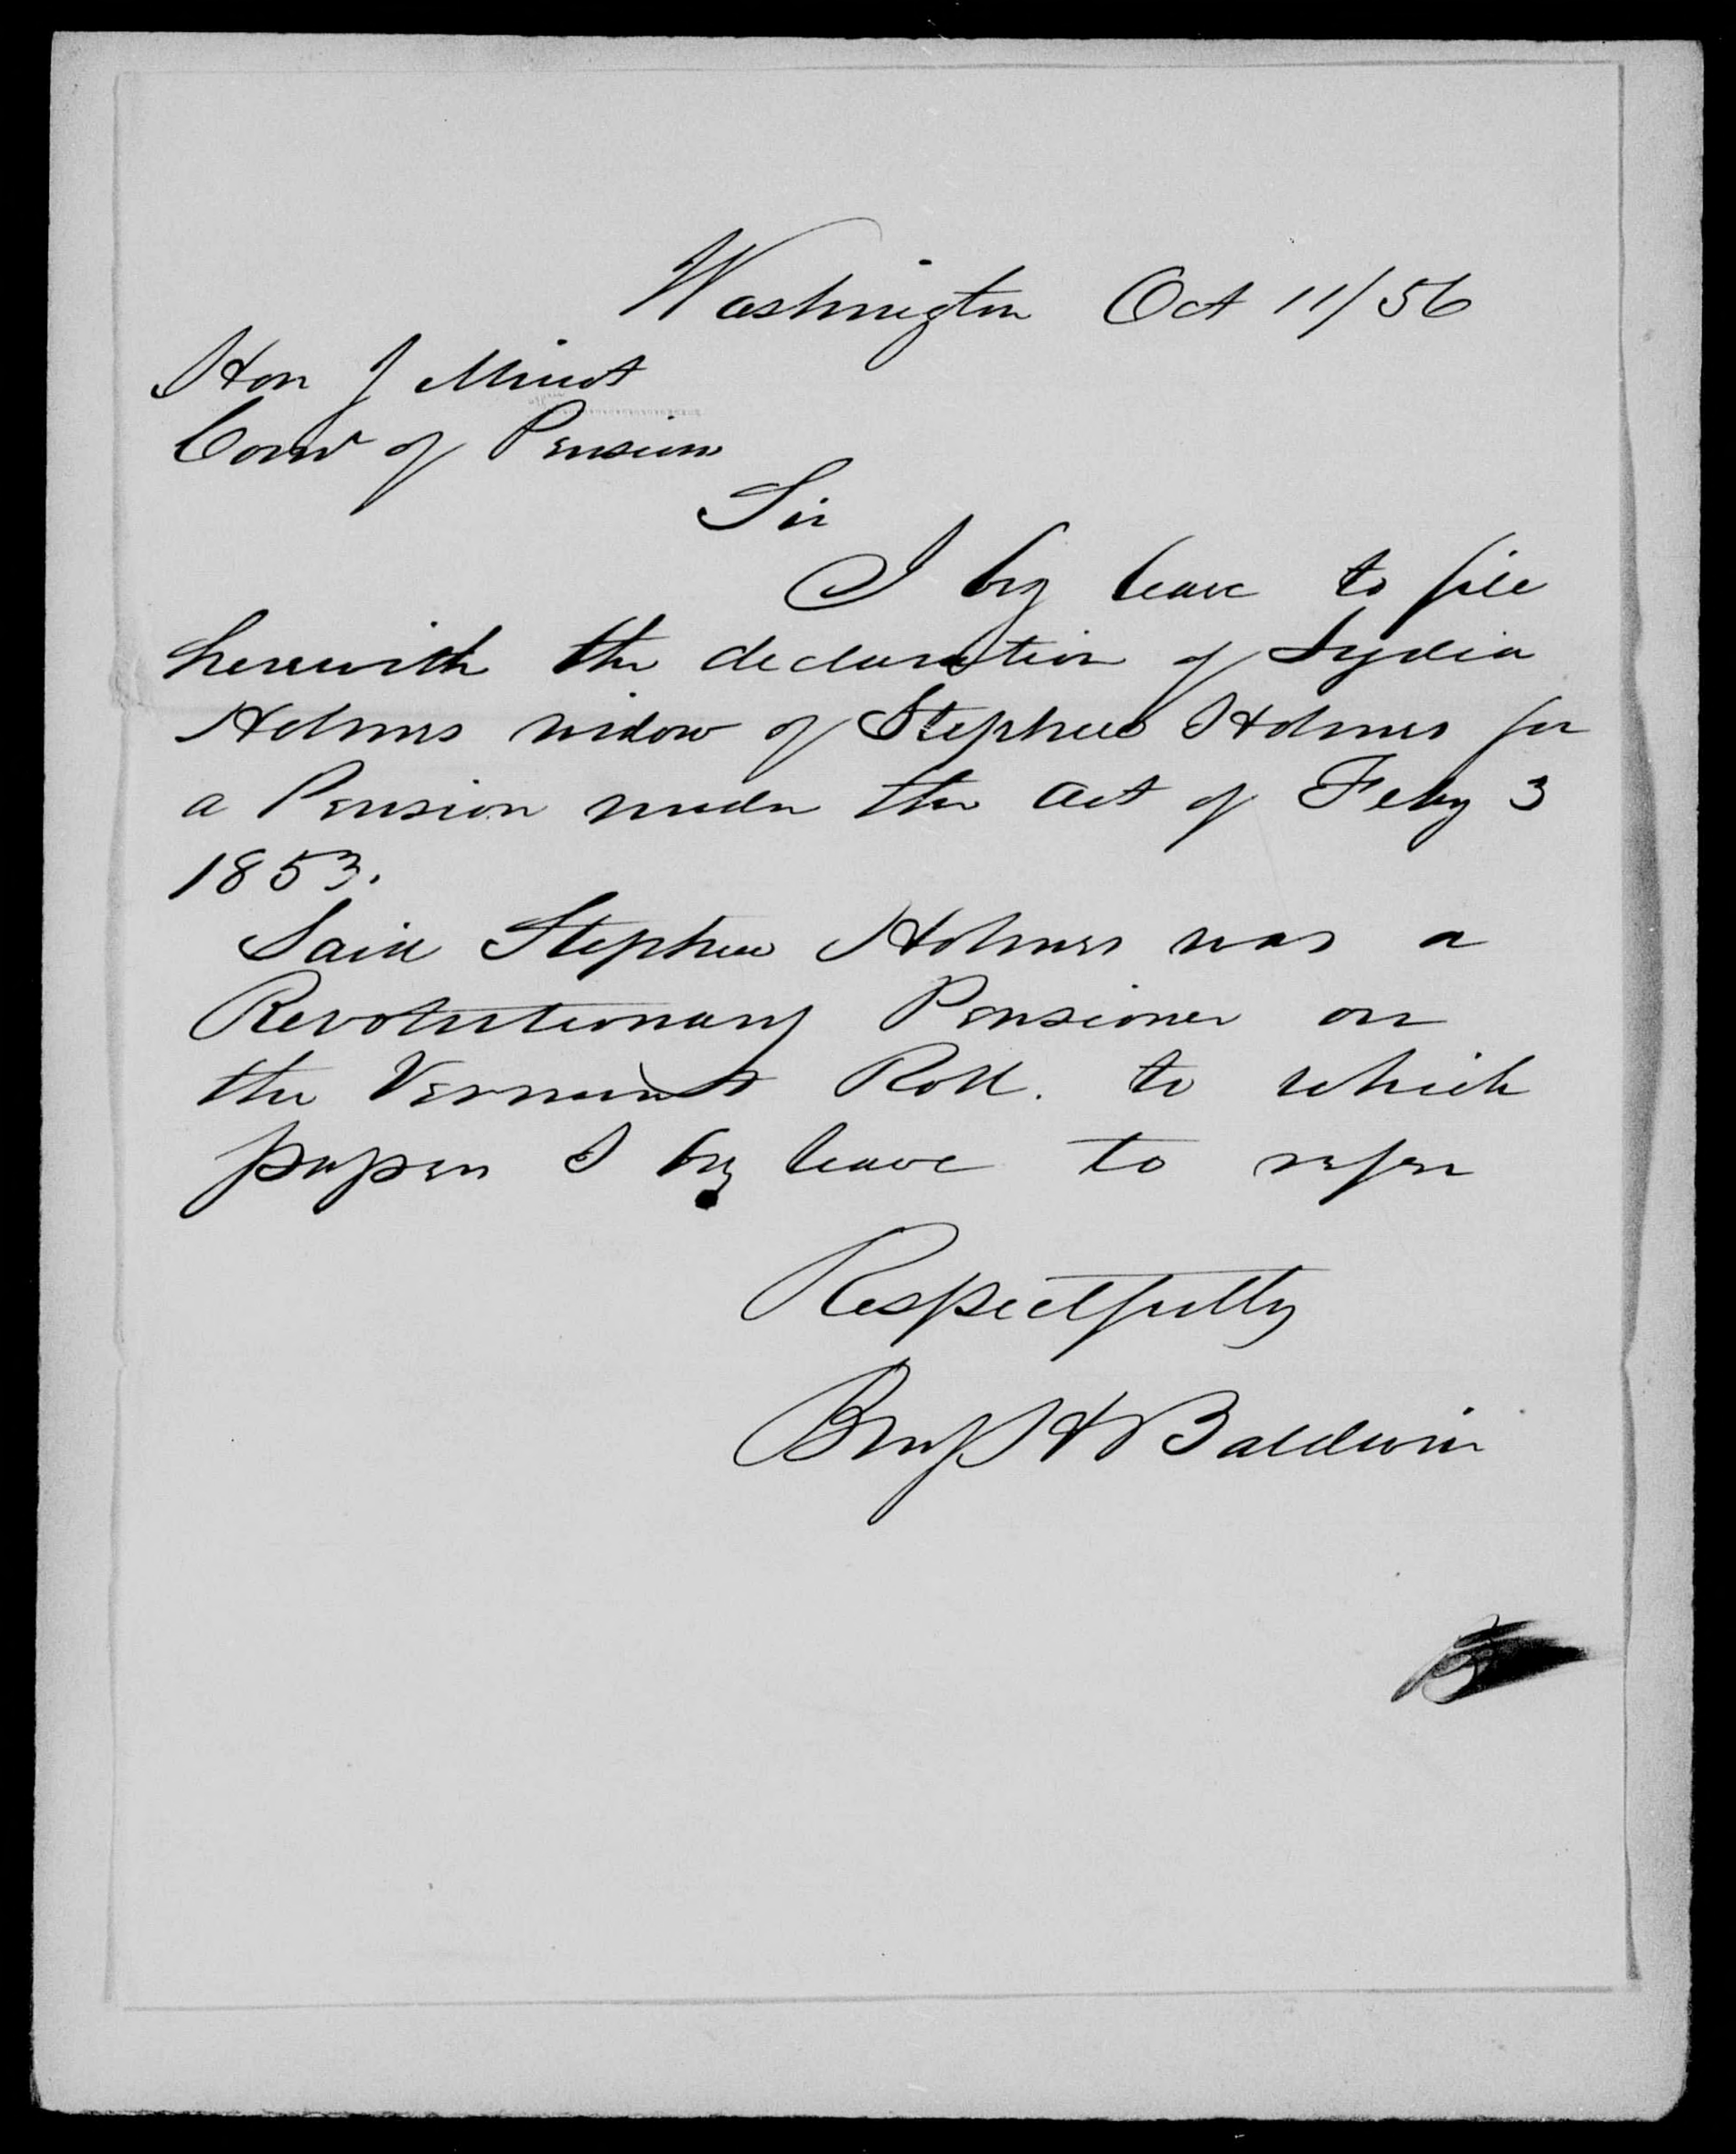Washington Oct 11/56

Hon J [illegible]
Court of Pension

Sir
I beg leave to [illegible] herewith the declaration of Lydia Holmes widow of Stephen Holmes for a Pension under the Act of Feby 3 1853.

Said Stephen Holmes was a Revolutionary Pensioner on the Vermont Roll, to which Paper I beg leave to refer

Respectfully
Benj H Baldwin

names: Lydia Holmes, Stephen Holmes, J Minot, Benj H Baldwin, Stephen Holmes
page: 38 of 72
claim: widow's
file: W. 7771, Stephen Holmes, Vt.